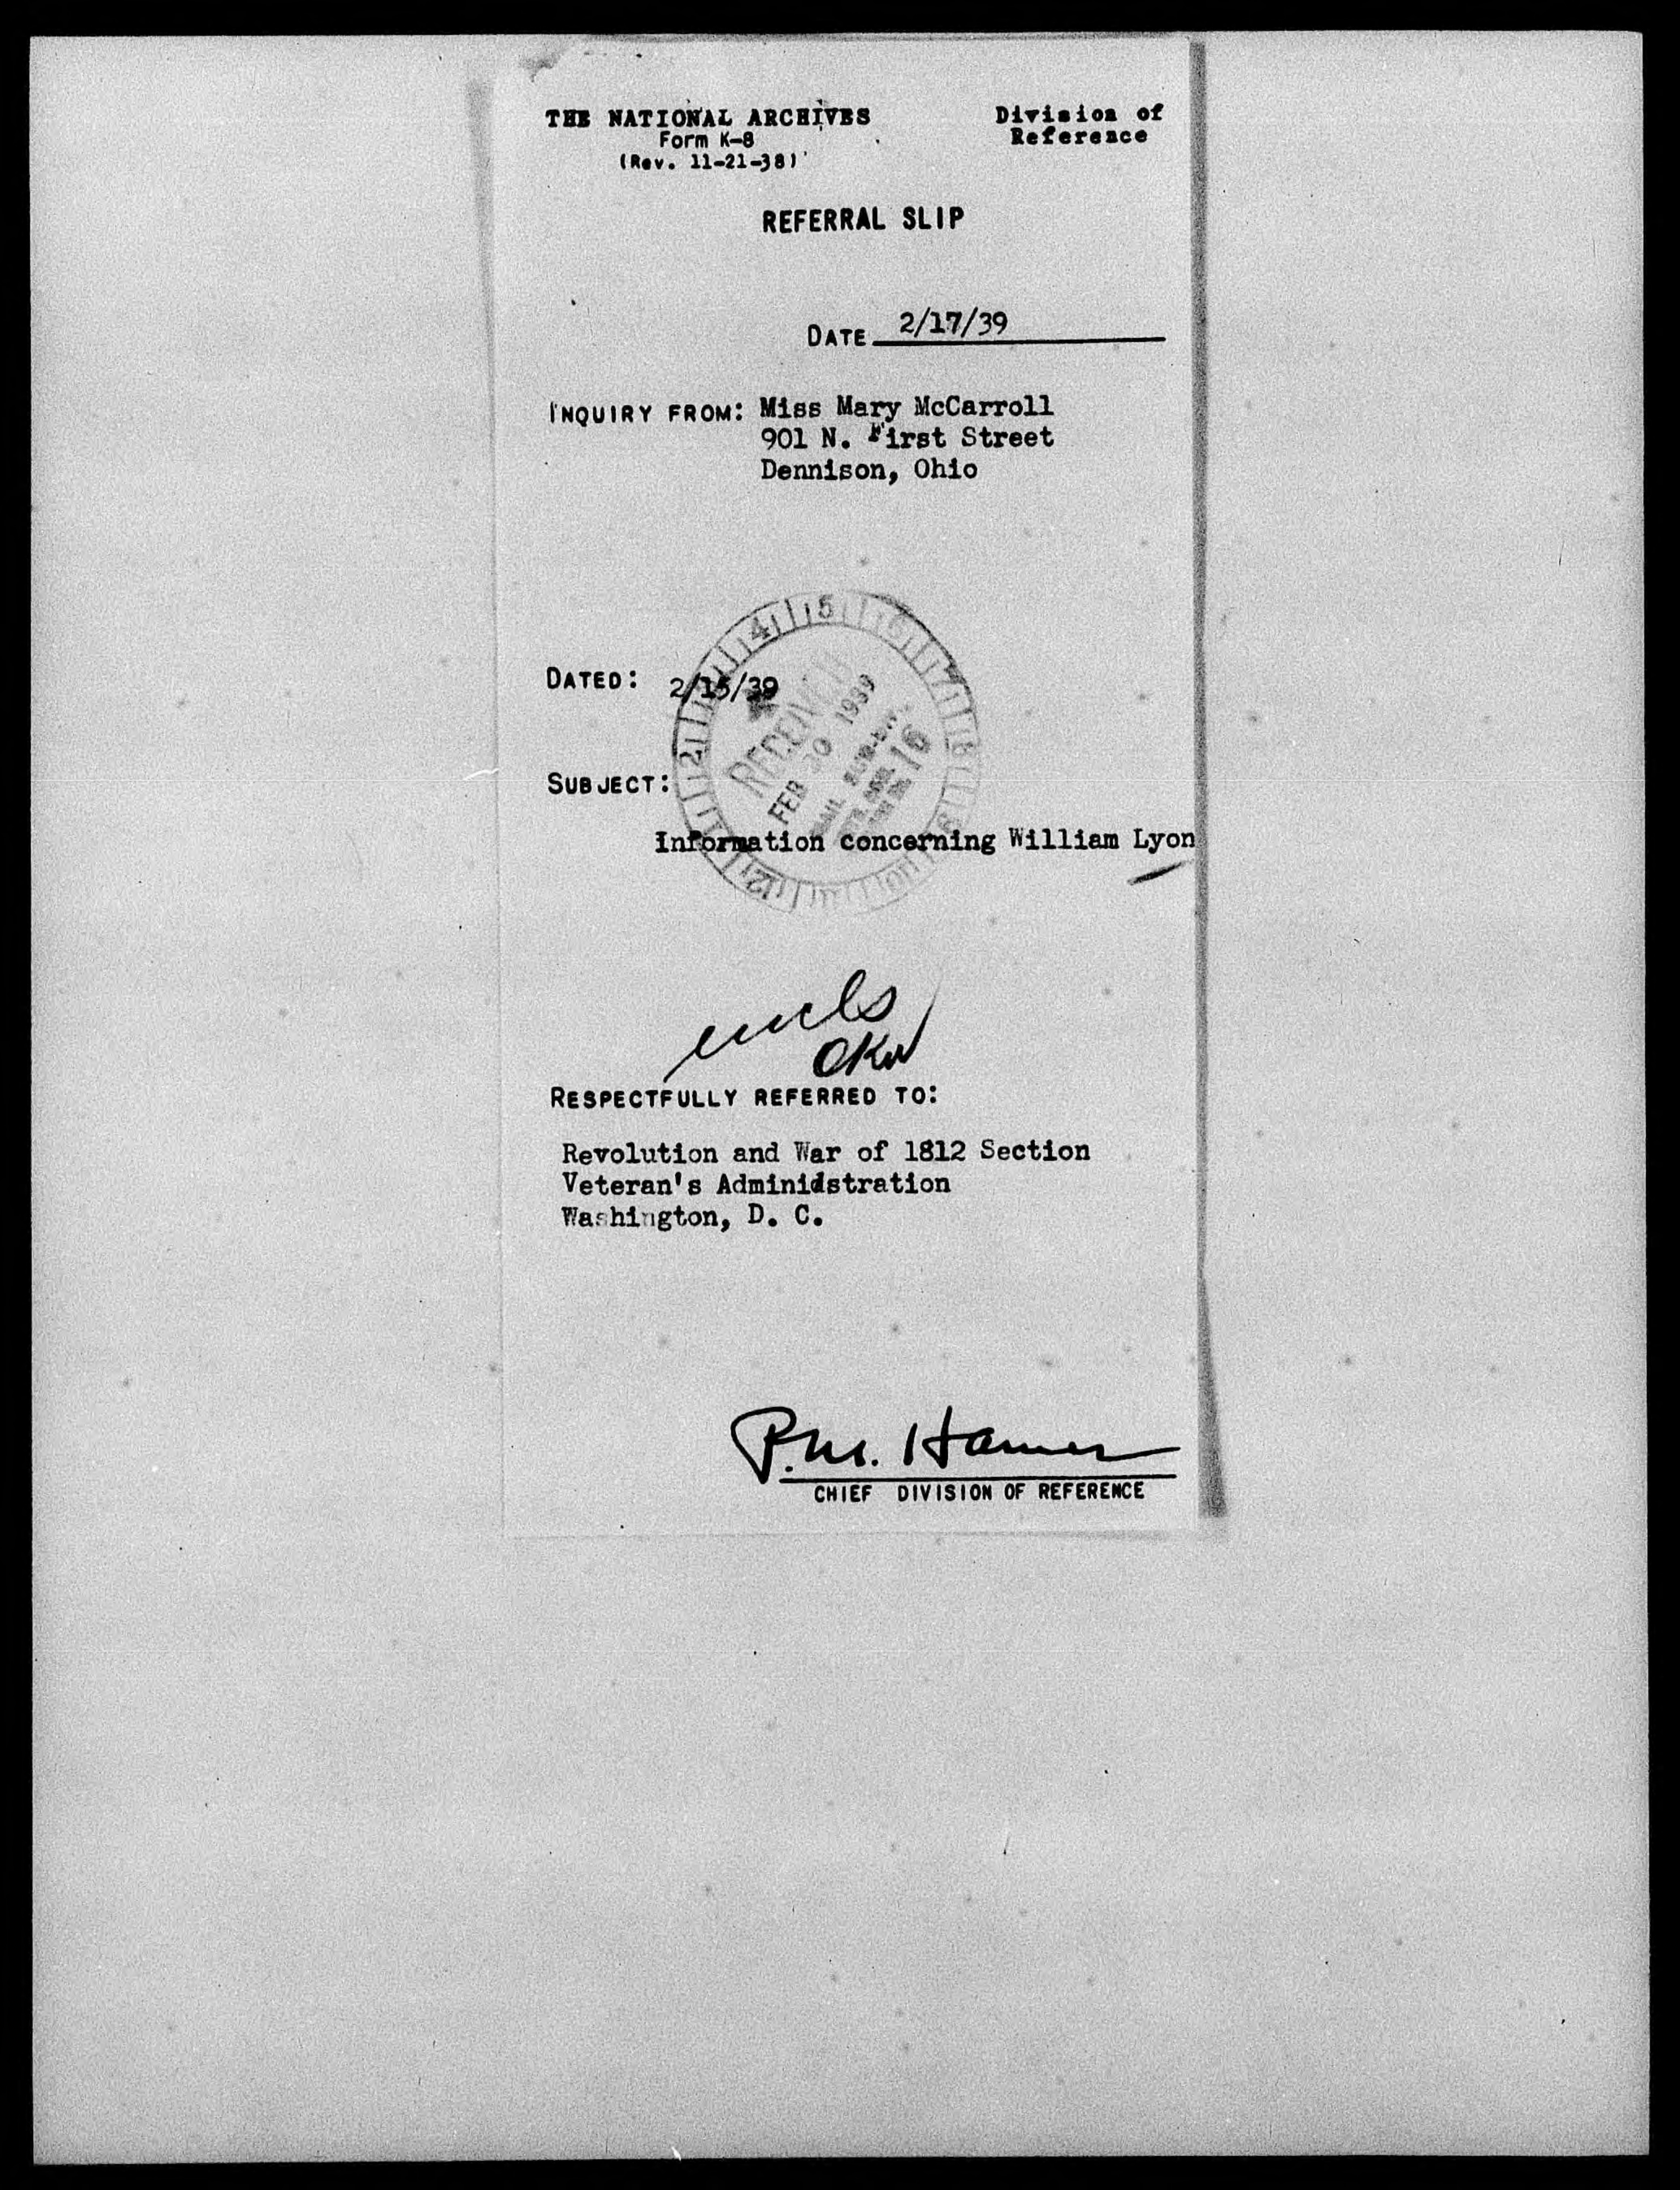THE NATIONAL ARCHIVES    Divison of
Form k-8                                    Reference
               REFERRAL SLIP
                                Date 2/17/39
Inquiry From: Miss Mary McCarroll
901 N first Street
Dennison, Ohio
Dated: 2/14/39
Subject: Information concerning William Lyon
Respectfully referred to:
Revolution and War of 1812 Section 
Veteran's Administration
Washington, D.C.
PM. Hauser
Chief Divison of Reference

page: 22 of 41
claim: survivor's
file: S. 4585, for William Lyons, Pennsylvania